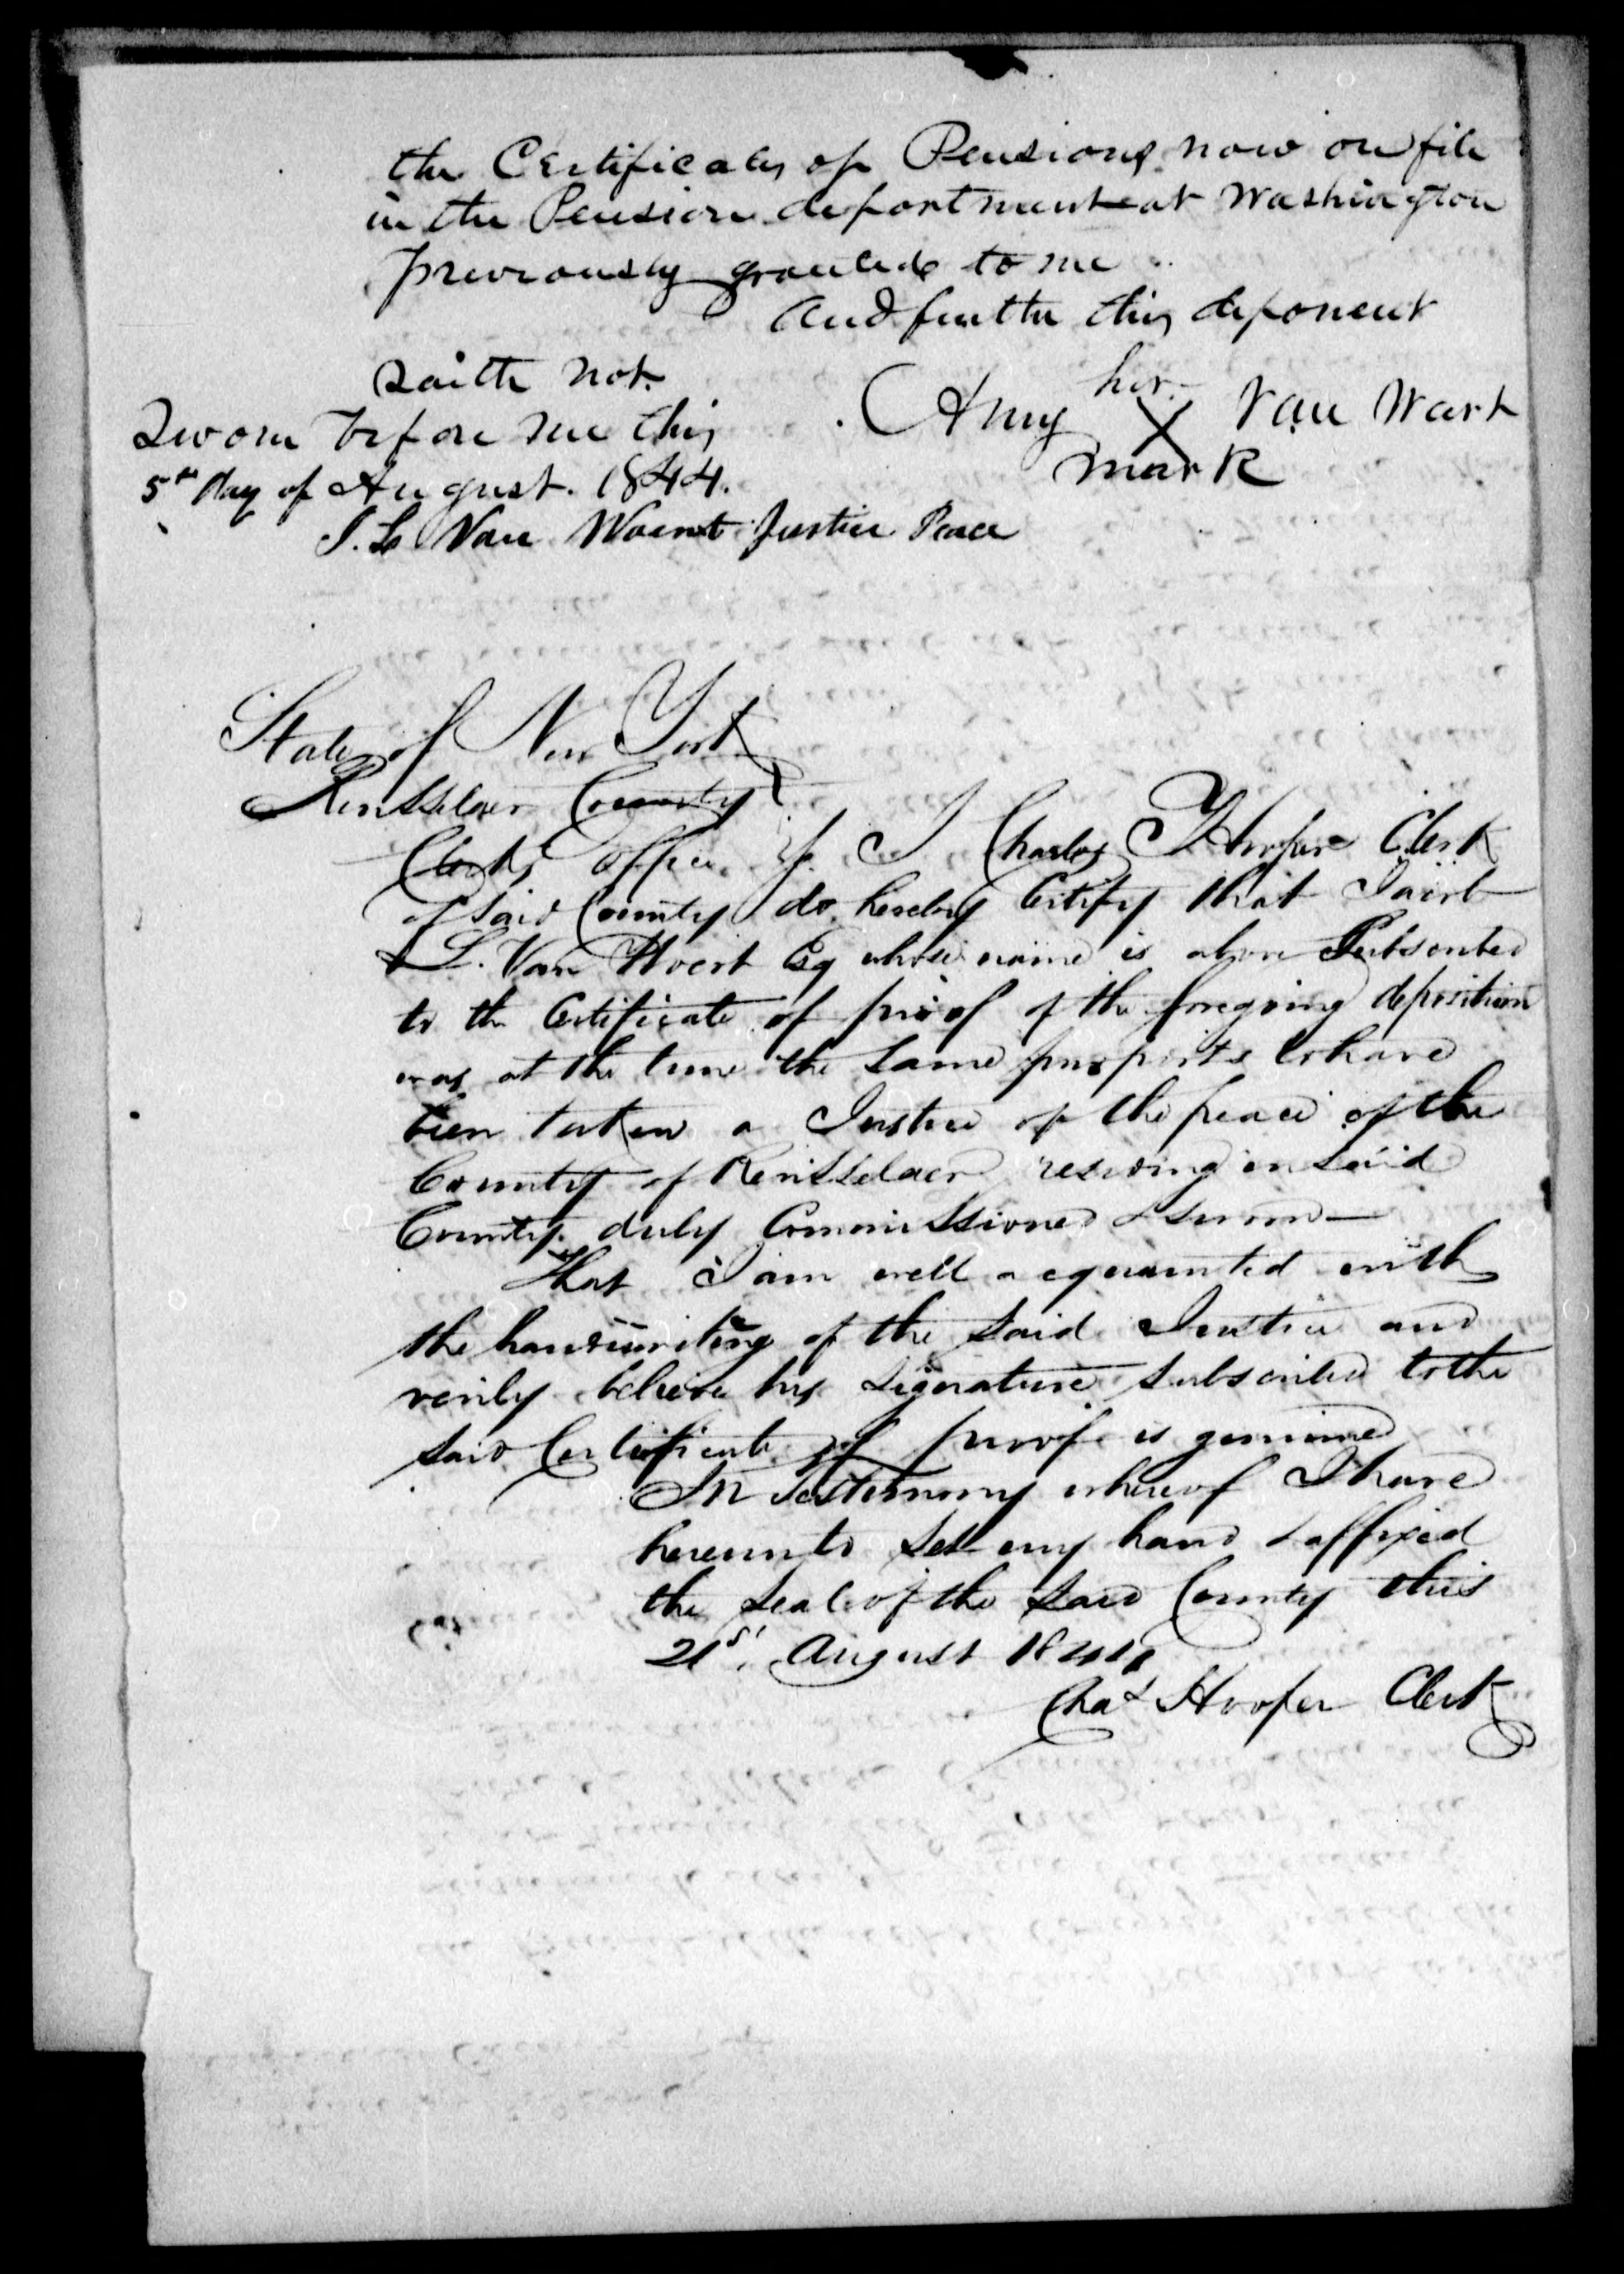the Certificates of Pensions now on file in the Pension department at Washington previously granted to me 
And further this deponent saith not.
[signed] Amy Van Wart  X her mark
Sworn before me this 5th day of August 1844. 
[signed] J. L. Van Woert Justice Peace 

State to New York 
Rensselaer County Clerks Office ss.  I, Charles Hooper Clerk of said County do hereby certify that Jacob L. Van Woert Esq whose name is above Subscribed to the Certificate of proof of the foregoing deposition was at the time the same purports to have been taken a Justice of the peace of the County of Rensselaer, residing in said County duly Commissioned & sworn – 
That I am well acquainted with the handwriting of the said Justice and verily believe his signature Subscribed to the said Certificate of proof is genuine 
In Testimony whereof I have hereunto set my hand & affixed the seal of the said County this 21st August 1844
[signed] Chas Hooper  Clerk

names: Amy Van Wart, J L Van Woert, Chas Hooper, Jacob L Van Woert, Justin, Charles Hooper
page: 96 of 102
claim: widow's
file: W. 18239, Isaac Van Wart, New York